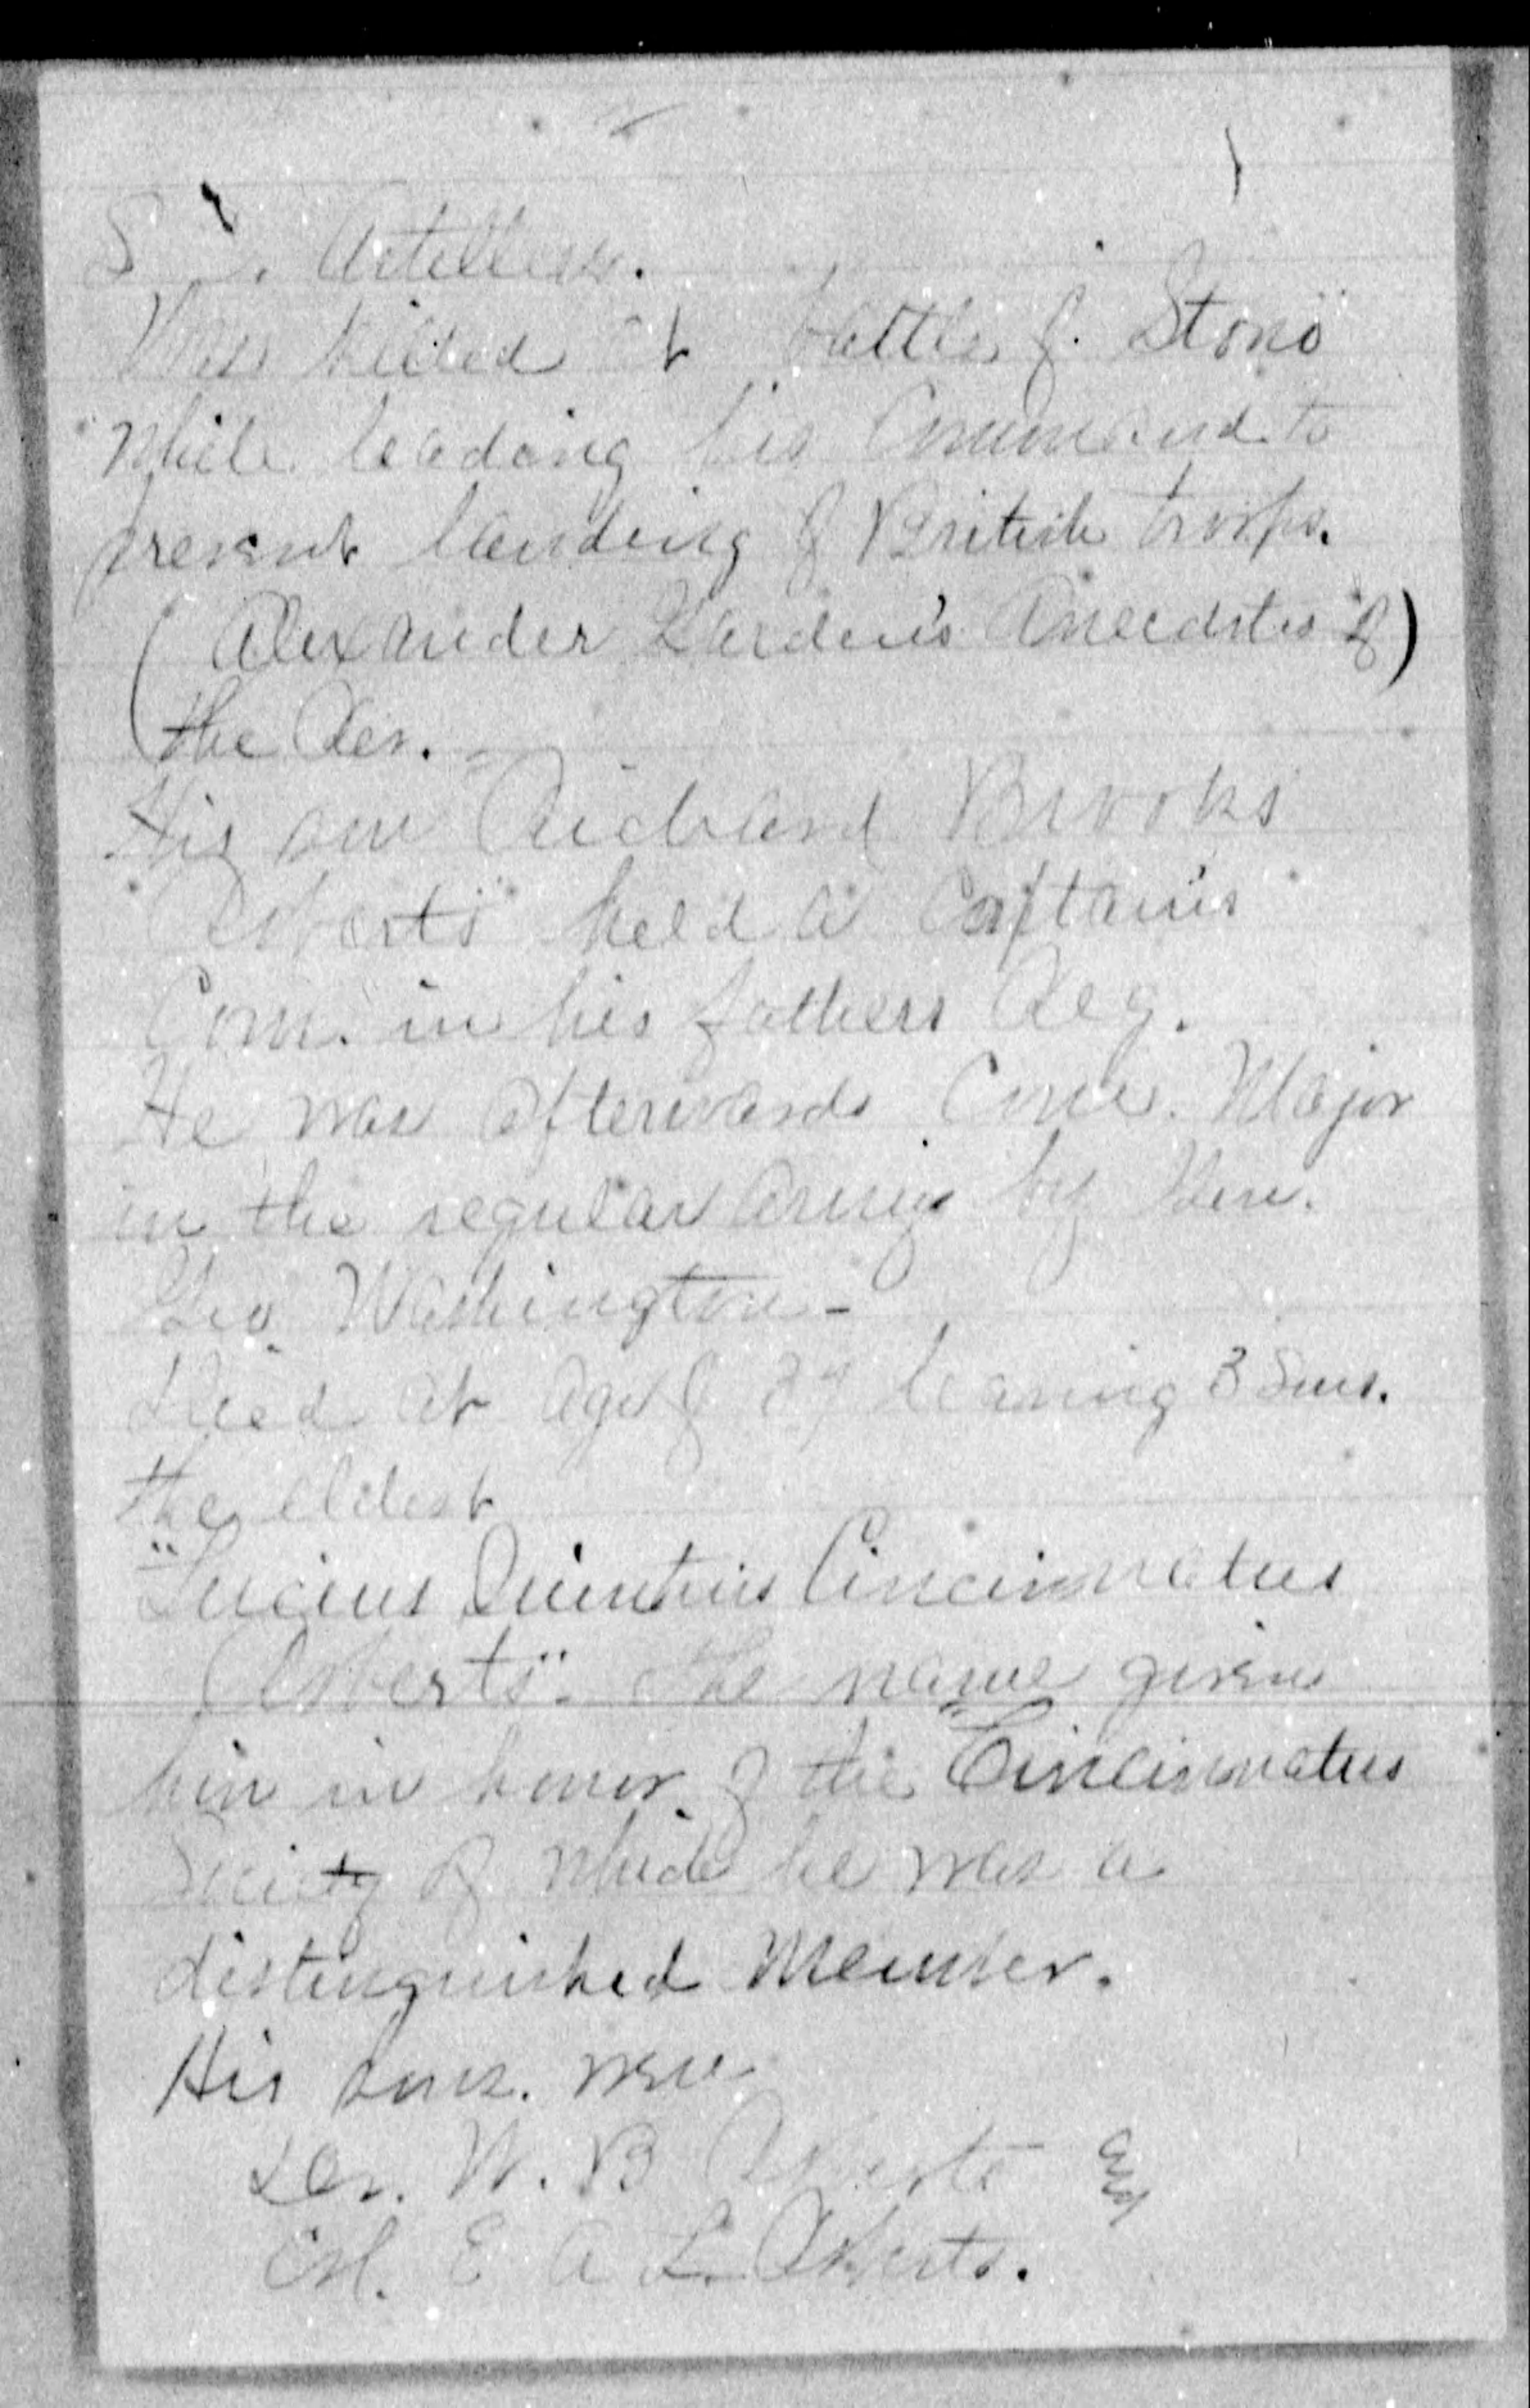S.C. Artillery.
Was killed at battle of Stono
while leading his command to 
present landing of British troops.
(Alexander Hardin's [illegible] of
the Rev.)
His son Richard Brooks
Roberts held a Captain's
com. in his father Reg.
He was afterwards com. Major
in the regular Army by [illegible]
Geo. Washington - 
Died at age of 37 leaving 3 sons
the eldest
"Lucius Quintius Cincinnatus
Roberts" the name given 
him in honor of the Cincinnatus
Society of which he was a 
distinguished member.
His sons were
Dr. W. B. Roberts and 
Col.. E. A. L. Roberts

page: 33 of 59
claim: bounty land warrant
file: B.L.Wt. 2359-500, for Owen Roberts, South Carolina